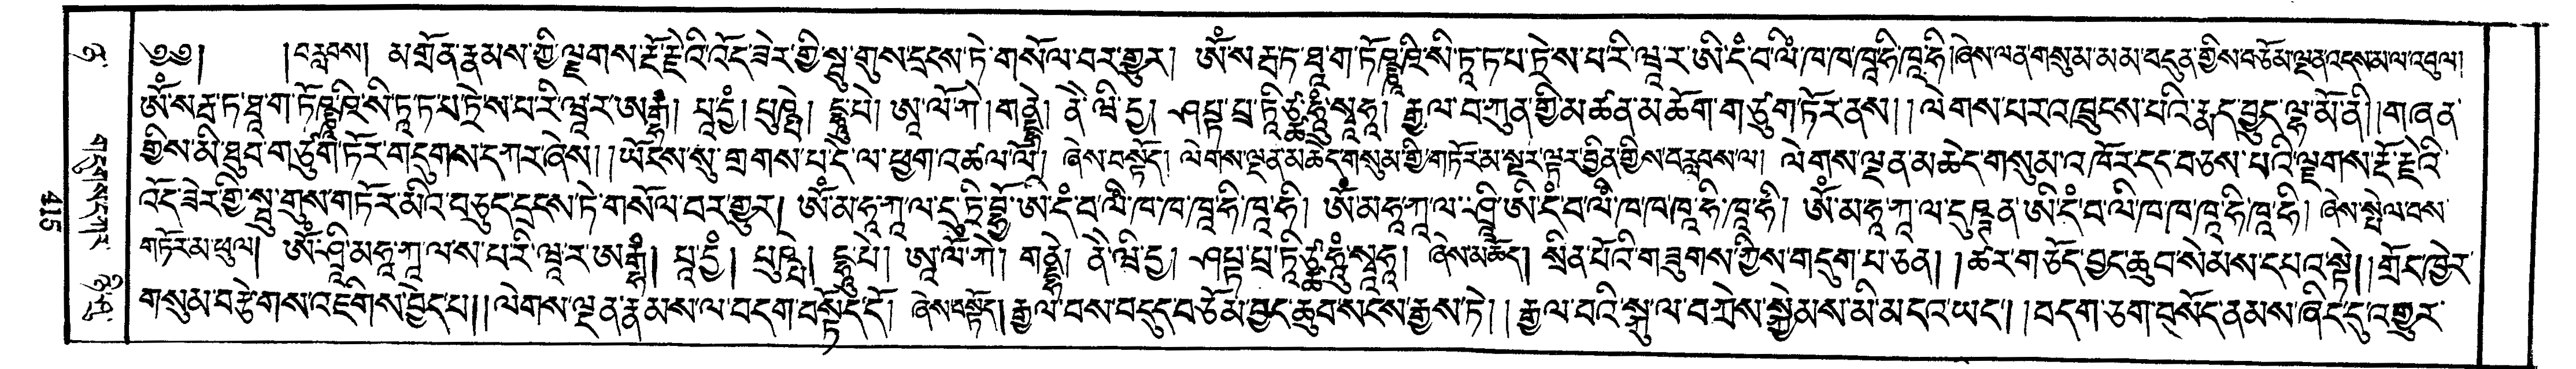༄༅། །བརླབས།  མགྲོན་རྣམས་ཀྱི་ལྗགས་རྡོ་རྗེའི་འོད་ཟེར་གྱི་སྦུ་གུས་དྲངས་ཏེ་གསོལ་བར་གྱུར། ཨོཾ་སརྦ་ཏ་ཐཱ་ག་ཏོཥྞཱ་ཥི་སི་ཏཱ་ཏ་པ་ཏྲེ་ས་པ་རི་ཝཱ་ར་ཨི་དཾ་བ་ལིཾ་ཁ་ཁ་ཁཱ་ཧི་ཁཱ་ཧི། ཞེས་ལན་གསུམ་མ་མ་བདུན་གྱིས་བཅོམ་ལྡན་འདས་མ་ལ་འབུལ།
ཨོཾ་སརྦ་ཏ་ཐཱ་ག་ཏོཥྞཱ་ཥི་སི་ཏཱ་ཏ་པ་ཏྲེ་ས་པ་རི་ཝཱ་ར་ཨརྒྷཾ། པཱ་དྱཾ། པུཥྤེ། དྷཱུ་པེ། ཨཱ་ལོ་ཀེ །གནྡྷེ། ནཻ་ཝི་དྱ། ཤཔྟ་པྲ་ཏཱིཙྪ་ཧཱུཾ་སྭཱཧཱ། རྒྱལ་བ་ཀུན་གྱི་མཚན་མཆོག་གཙུག་ཏོར་ནས། །ལེགས་པར་འཁྲུངས་པའི་རྨད་བྱུང་ལྷ་མོ་ནི། །གཞན་
གྱིས་མི་ཐུབ་གཙུག་ཏོར་གདུགས་དཀར་ཞེས། །ཡོངས་སུ་གྲགས་པ་དེ་ལ་ཕྱག་འཚལ་ལོ། ཞེས་བསྟོད། ལེགས་ལྡན་མཆེད་གསུམ་གྱི་གཏོར་མ་སྔར་ལྟར་བྱིན་གྱིས་བརླབས་ལ།  ལེགས་ལྡན་མཆེད་གསུམ་འཁོར་དང་བཅས་པའི་ལྗགས་རྡོ་རྗེའི་
འོད་ཟེར་གྱི་སྦུ་གུས་གཏོར་མའི་བཅུད་དྲངས་ཏེ་གསོལ་བར་གྱུར། ཨོཾ་མཧཱ་ཀཱ་ལ་དུ་ཏྲི་བྷྱོ་ཨི་དཾ་བ་ལིཾ་ཁ་ཁ་ཁཱ་ཧི་ཁཱ་ཧི། ཨོཾ་མཧཱ་ཀཱ་ལ་ཤྲཱི་ཨི་དཾ་བ་ལིཾ་ཁ་ཁ་ཁཱ་ཧི། ཁཱ་ཧི། ཨོཾ་མཧཱ་ཀཱ་ལ་དུཥྚན་ཨི་དཾ་བ་ལིཾ་ཁ་ཁ་ཁ་ཧི་ཁཱ་ཧི། ཞེས་སྦྲེལ་བས་
གཏོར་མ་ཕུལ། ཨོཾ་ཤྲཱི་མཧཱ་ཀཱ་ལ་ས་པ་རི་ཝཱ་ར་ཨརྒྷཾ། པཱ་དྱཾ། པུཥྤེ། དྷཱུ་པེ། ཨཱ་ལོ་ཀེ། གནྡྷེ། ནཻ་ཝི་དྱ། ཤཔྟ་པྲ་ཏཱིཙྪ་ཧཱུཾ་སྭཱཧཱ། ཞེས་མཆོད།  སྲིན་པོའི་གཟུགས་ཀྱིས་གདུག་པ་ཅན། །ཚར་གཅོད་བྱང་ཆུབ་སེམས་དཔའ་སྟེ། །གྲོང་ཁྱེར་
གསུམ་བརྩེགས་འཇིགས་བྱེད་པ། །ལེགས་ལྡན་རྣམས་ལ་བདག་བསྟོད་དོ། ཞེས་བསྟོད།  རྒྱལ་བས་བདུད་བཅོམ་བྱང་ཆུབ་སངས་རྒྱས་ཏེ། །རྒྱལ་བའི་སྐུ་ལ་བཀྲེས་སྐྱེམས་མི་མངའ་ཡང་། །བདག་ཅག་བསོད་ནམས་ཞིང་དུ་འགྱུར་